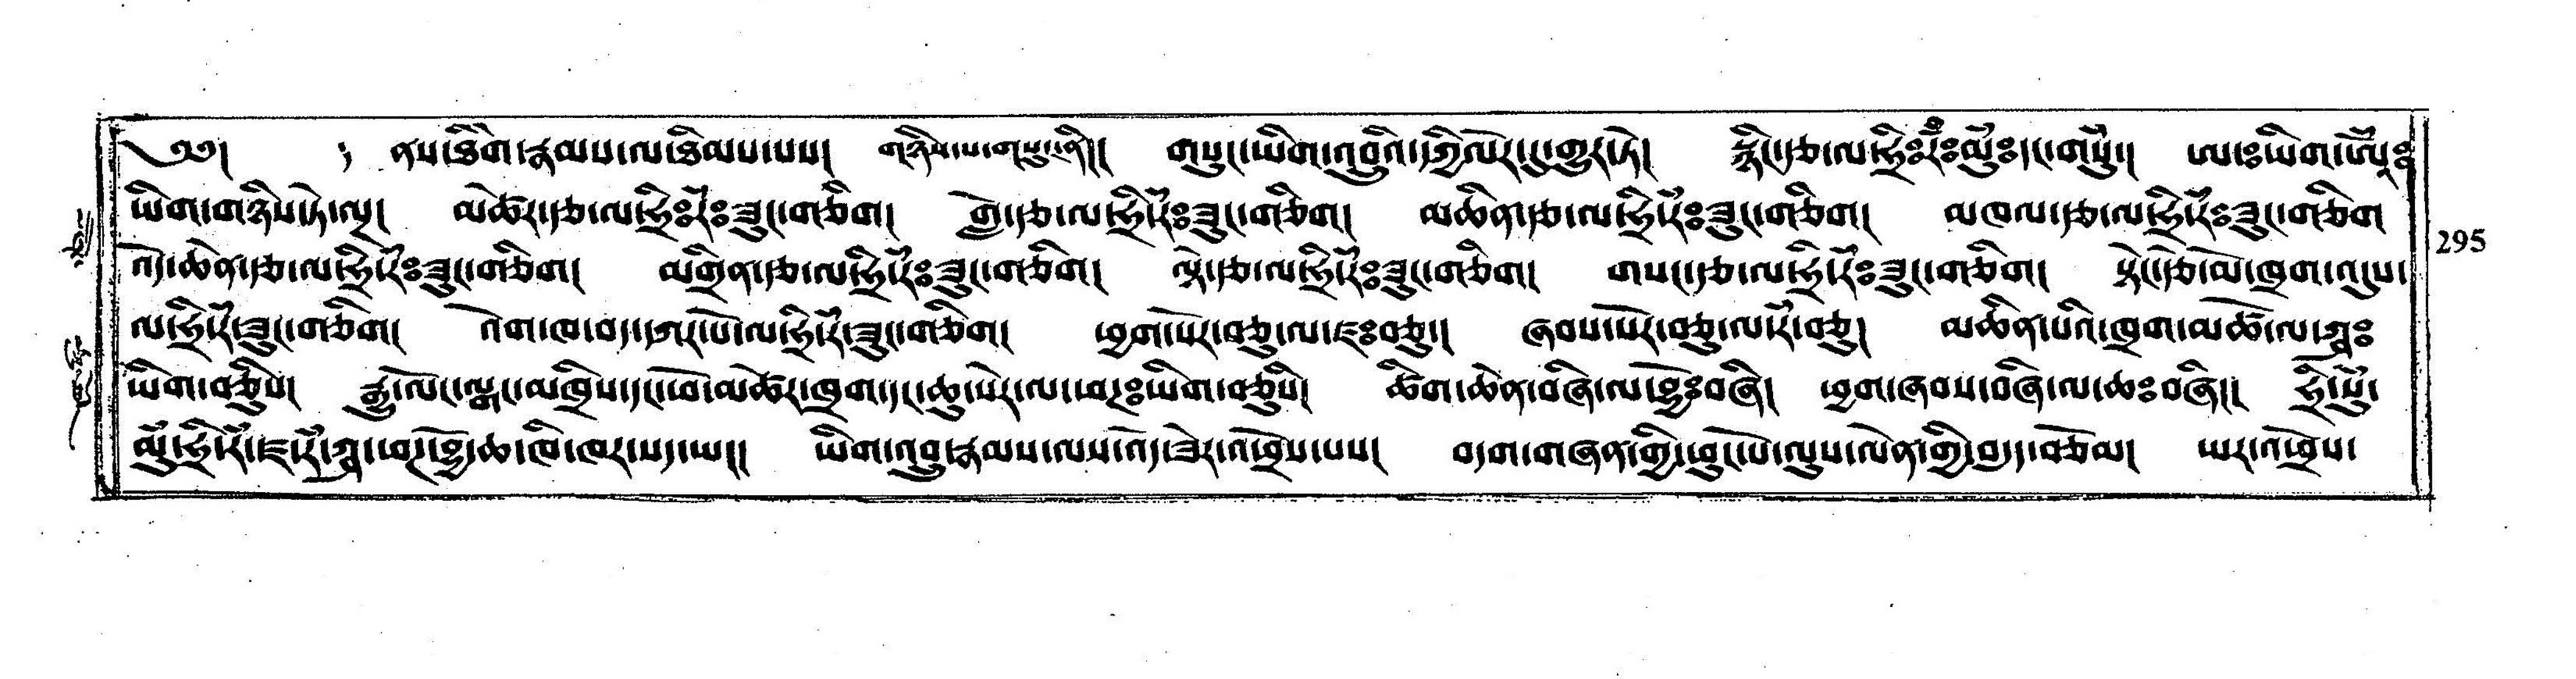ནས་ཐིག་ལེ་རྣམས་ལ་ཐིམས་པས། གཉིས་པ་གསུང་ནི།། གསུང་ཡིག་འབྲུའི་དཀྱིལ་འཁོར་དུ་གྱུར་ཏེ། སྙིང་རྩ་ལ་ཧྲི་རྃཿམུཾཿདང་གསུམ། ཨཿཡིག་ཨཱོཾཿ
ཡིག་གཉིས་ཏེ་ལྔ། མཚེར་རྩ་ལ་ཧྲིཿརཾཿཟུང་གཅིག གློ་རྩ་ལ་ཧྲི་རཾཿཟུང་གཅིག མཆིན་རྩ་ལ་ཧྲི་རཾཿཟུང་གཅིག མཁལ་རྩ་ལ་ཧྲི་རཾ་ཟུང་གཅིག 
འོད་ཆེན་རྩ་ལ་ཧྲི་རཾཿཟུང་གཅིག མགྲིན་རྩ་ལ་ཧྲི་རཾཿཟུང་གཅིག ལྟེ་རྩ་ལ་ཧྲི་རཾཿཟུང་གཅིག གསང་རྩ་ལ་ཧྲི་རཾཿཟུང་གཅིག སྟེང་རྩེ་མོ་ཁྲག་འདུས་
ལ་ཧྲི་རཾ་ཟུང་གཅིག འོག་ཁ་བད་དཀར་པོ་ལ་ཧྲི་རཾ་ཟུང་གཅིག ཕྱག་སོར་བཅུ་ལ་ཛཿབཅུ། ཞབས་སོར་བཅུ་ལ་རཾ་བཅུ། མཆིན་པའི་ཁྲག་མཚོ་ལ་ཀྴཿ
ཡིག་བཅུ་གཉིས། རྒྱུ་ལོང་ལྒང་མཁྲིས་དང་ཕོ་མཚེར་ཁྲག་དང་ཆུ་སེར་ལ་ཕཊཿཡིག་བཅུ་གཉིས། ཚིག་ཆེན་བཞི་ལ་བྷྱོཿབཞི། ཕྱག་ཞབས་བཞི་ལ་ཆཿབཞི།། ཧྲི་སུཾ་
མུཾ་ཧྲི་རཾ་ཛ་རཾ་ཀྴ་ཕཊ་བྷྱོ་ཆ་ཁི་ཁར་སད་ཡ།། ཡིག་འབྲུ་རྣམས་ལས་འོད་ཟེར་འཕྲོས་པས། བདག་གཞན་གྱི་ཕུང་པོ་ལུས་ལེན་གྱི་བདུད་བཅོམ། ཡར་འཕྲོས་